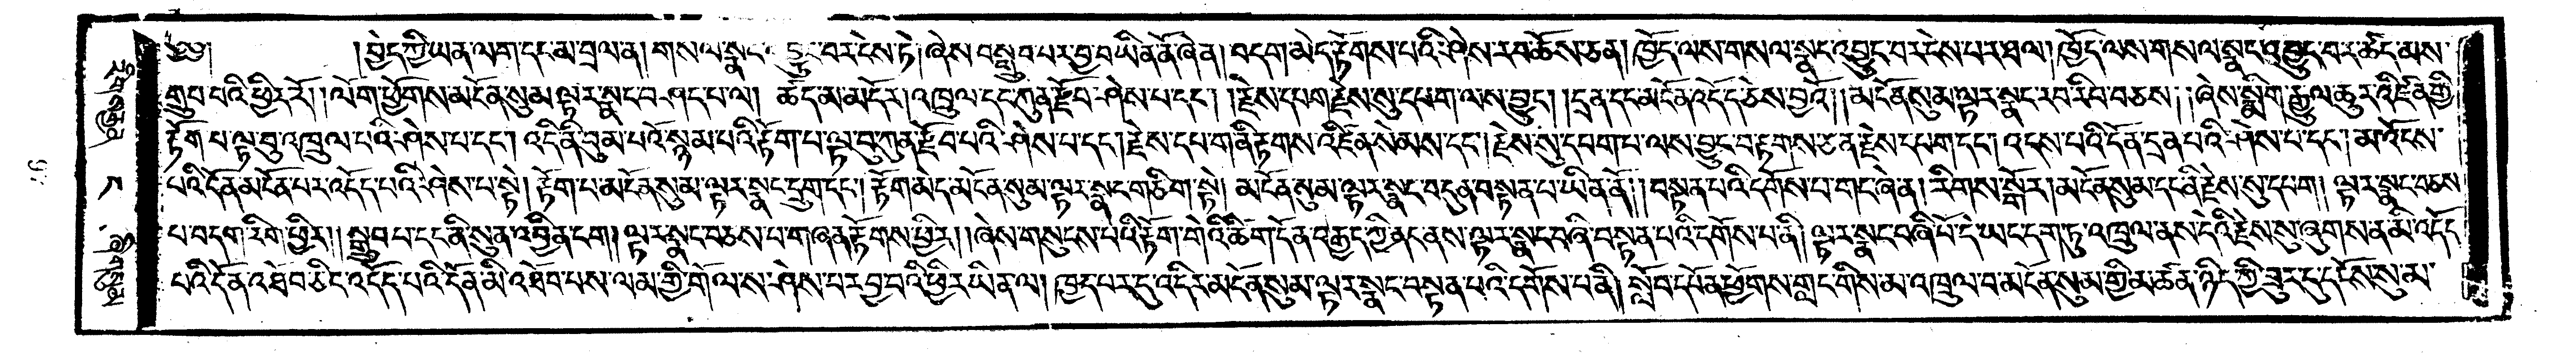༄༅། །བྱེད་ཀྱི་ཡན་ལག་དང་མ་བྲལ་ན། གསལ་སྣང་འབྱུང་བར་ངེས་ཏེ། ཞེས་བསྒྲུབ་པར་བྱ་བ་ཡིན་ནོ་ཞེ་ན། བདག་མེད་རྟོགས་པའི་ཤེས་རབ་ཆོས་ཅན། ཁྱོད་ལས་གསལ་སྣང་འབྱུང་བར་ངེས་པར་ཐལ། ཁྱོད་ལས་གསལ་སྣང་འབྱུང་བར་ཚད་མས་
གྲུབ་པའི་ཕྱིར་རོ། །ལོག་ཕྱོགས་མངོན་སུམ་ལྟར་སྣང་བཤད་པ་ལ། ཚད་མ་མདོར། འཁྲུལ་དང་ཀུན་རྫོབ་ཤེས་པ་དང་། །རྗེས་དཔག་རྗེས་སུ་དཔག་ལས་བྱུང་། །དྲན་དང་མངོན་འདོད་ཅེས་བྱའོ། །མངོན་སུམ་ལྟར་སྣང་རབ་རིབ་བཅས། །ཞེས་སྨིག་རྒྱུ་ལ་ཆུར་འཛིན་གྱི་
རྟོག་པ་ལྟ་བུ་འཁྲུལ་བའི་ཤེས་པ་དང་། འདི་ནི་བུམ་པའོ་སྙམ་པའི་རྟོག་པ་ལྟ་བུ་ཀུན་རྫོབ་པའི་ཤེས་པ་དང་། རྗེས་དཔག་ནི་རྟགས་འཛིན་སེམས་དང་། རྗེས་སུ་དཔག་པ་ལས་བྱུང་བ་རྟགས་ཅན་རྗེས་དཔག་དང་། འདས་པའི་དོན་དྲན་པའི་ཤེས་པ་དང་། མ་འོངས་
པའི་དོན་མངོན་པར་འདོད་པའི་ཤེས་པ་སྟེ། རྟོག་པ་མངོན་སུམ་ལྟར་སྣང་དྲུག་དང་། རྟོག་མེད་མངོན་སུམ་ལྟར་སྣང་གཅིག་སྟེ། མངོན་སུམ་ལྟར་སྣང་བདུན་བསྟན་པ་ཡིན་ནོ། །བསྟན་པའི་དགོས་པ་གང་ཞེ་ན། རིགས་སྒོར། མངོན་སུམ་དང་ནི་རྗེས་སུ་དཔག །ལྟར་སྣང་བཅས་
པ་བདག་རིག་ཕྱིར། །སྒྲུབ་པ་དང་ནི་སུན་འབྱིན་ངག །ལྟར་སྣང་བཅས་པ་གཞན་རྟོགས་ཕྱིར། །ཞེས་གསུངས་པའི་རྟོག་གེའི་ཚིག་དོན་བརྒྱད་ཀྱི་ནང་ནས་ལྟར་སྣང་བཞིན་བསྟན་པའི་དགོས་པ་ནི། ལྟར་སྣང་བཞི་པོ་དེ་ཡང་དག་ཏུ་འཁྲུལ་ནས་དེའི་རྗེས་སུ་ཞུགས་ན་མི་འདོད་
པའི་དོན་འཐོབ་ཅིང་འདོད་པའི་དོན་མི་འཐོབ་པས་ལམ་གྱི་གོལ་ས་ཤེས་པར་བྱ་བའི་ཕྱིར་ཡིན་ལ། ཁྱད་པར་དུ་འདིར་མངོན་སུམ་ལྟར་སྣང་བསྟན་པའི་དགོས་པ་ནི། སློབ་དཔོན་ཕྱོགས་གླང་གིས་མ་འཁྲུལ་བ་མངོན་སུམ་གྱི་མཚན་ཉིད་ཀྱི་ཟུར་དུ་དངོས་སུ་མ་